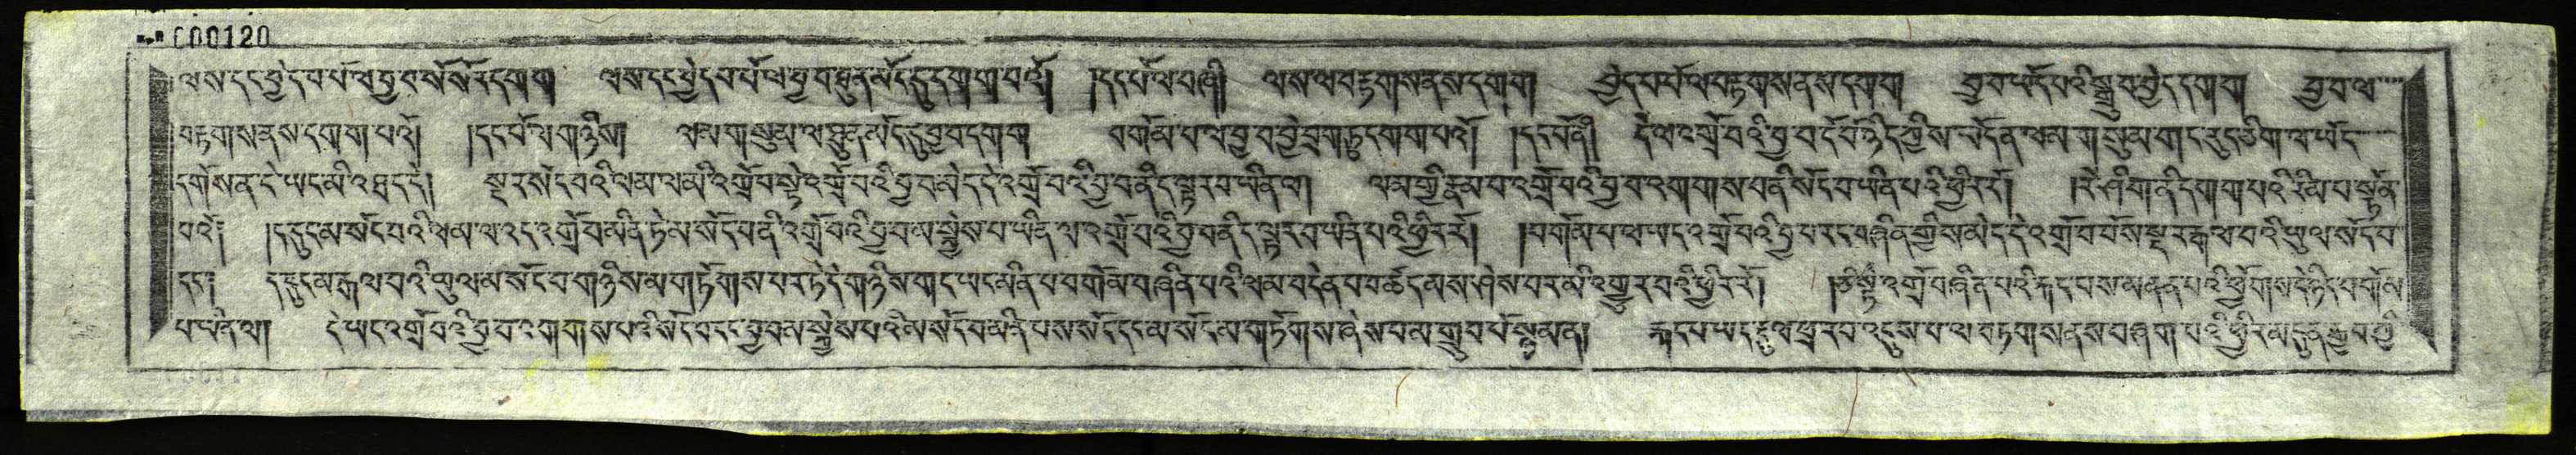ལས་དང་བྱེད་པ་པོ་ལ་བྱ་བ་སོ་སོར་དགག་ལས་དང་བྱེད་པ་པོ་ལ་བྱ་བ་ཐུན་མོང་དུ་དགག་པའོ། །དང་པོ་ལ་བཞི། ལས་ལ་བརྟགས་ནས་དགག། བྱེད་པ་པོ་ལ་བརྟགས་ནས་དགག་བྱ་བ་ཡོད་པའི་སྒྲུབ་བྱེད་དགག་བྱ་བ་ལ་
བརྟགས་ནས་དགག་པའོ། །དང་པོ་ལ་གཉིས། ལམ་གསུམ་ལ་ཐུན་མོང་དུ་བྱ་བ་དགག་བགོམ་པ་ལ་བྱ་བ་བྱེ་བྲག་ཏུ་དགག་པའོ། །དང་པོ་ནི། དེ་ལ་འགྲོ་བའི་བྱ་བ་ངོ་བོ་ཉིད་ཀྱིས་ཡོད་ན་ལམ་གསུམ་གང་རུང་ཅིག་ལ་ཡོད་
དགོས་ན་དེ་ཡང་མི་འཐད་དེ། སྔར་སོང་བའི་ལམ་ལ་མི་འགྲོ་བ་སྟེ་འགྲོ་བའི་བྱ་བ་མེད་དེ་འགྲོ་བའི་བྱ་བ་ནི་ད་ལྟར་བ་ཡིན་ལ། ལམ་གྱི་རྣམ་པ་འགྲོ་བའི་བྱ་བ་འགགས་པ་ནི་སོང་བ་ཡིན་པའི་ཕྱིར་རོ། །རེ་ཤིག་ནི་དགག་པའི་རིམ་པ་སྟོན་
པའོ༑ །ད་དུང་མ་སོང་བའི་ལམ་ལ་འང་འགྲོ་བ་མིན་ཏེ་མ་སོང་བ་ནི་འགྲོ་བའི་བྱ་བས་སྐྱེས་པ་ཡིན་ལ་འགྲོ་བའི་བྱ་བ་ནི་ད་ལྟར་བ་ཡིན་པའི་ཕྱིར་རོ། །བགོམ་པ་ལ་ཡང་འགྲོ་བའི་བྱ་བ་རང་བཞིན་གྱིས་མེད་དེ་འགྲོ་བ་བོས་སྔར་རྒལ་བའི་ཡུལ་སོང་བ་
དང༑ ད་དུང་མ་རྒལ་བའི་ཡུལ་མ་སོང་བ་གཉིས་མ་གཏོགས་པར་ཏེ་དེ་གཉིས་གང་ཡང་མིན་པ་བགོམ་བཞིན་པའི་ལམ་བདེན་པ་བ་ཚད་མས་ཤེས་པར་མི་འགྱུར་བའི་ཕྱིར་རོ། །ཅི་སྟེ་འགྲོ་བཞིན་པའི་རྐང་བས་མནན་པའི་ཕྱོགས་དེ་ཉིད་བགོམ་
པ་ཡིན་ལ། དེ་ཡང་འགྲོ་བའི་བྱ་བ་འགགས་པའི་སོང་བ་དང་བྱ་བ་མ་སྐྱེས་བའི་མ་སོང་བ་མིན་པས་སོང་དང་མ་སོང་མ་གཏོགས་ཞེས་པ་མ་གྲུབ་པོ་སྙམ་ན། རྐང་པ་ཡང་རྡུལ་ཕྲ་རབ་འདུས་པ་ལ་བཏགས་ནས་བཞག་པའི་ཕྱིར་མདུན་རྒྱབ་ཀྱི་